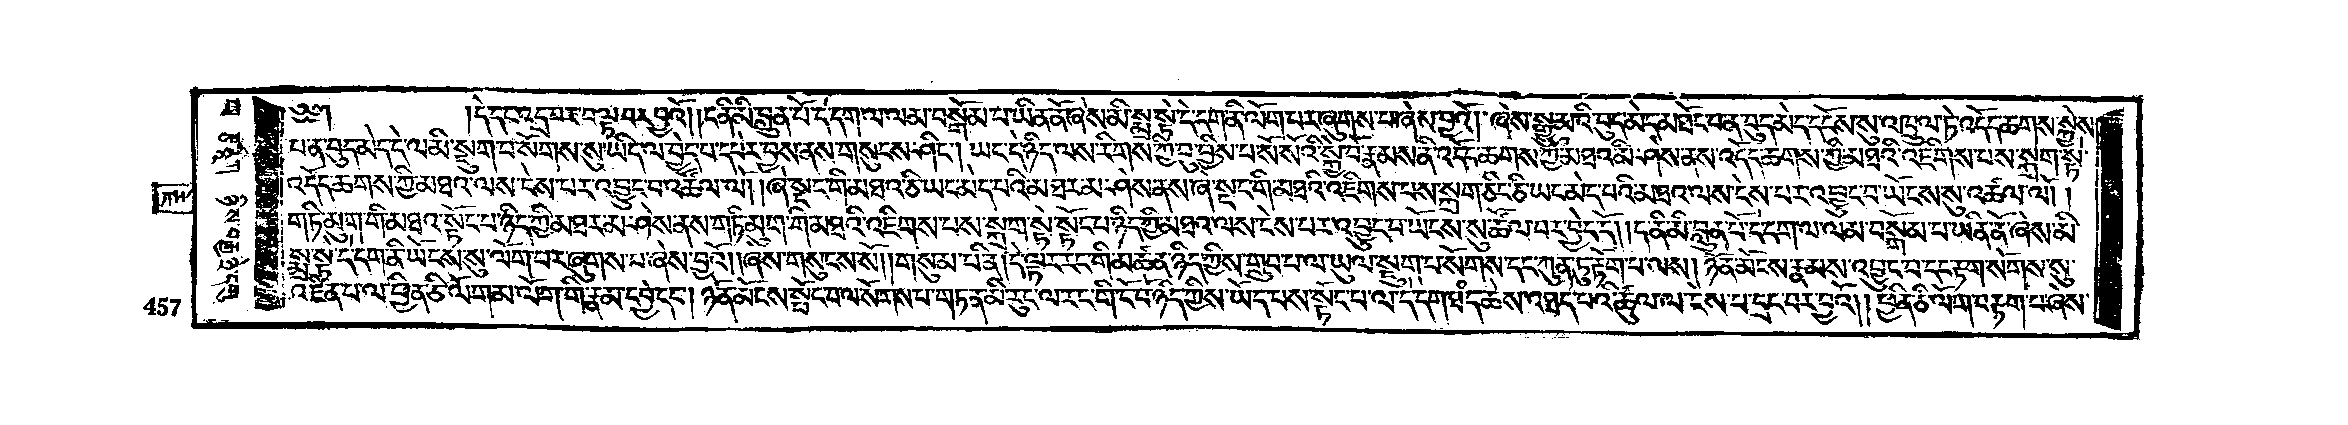༄༅། །དེ་དང་འདྲ་བར་བལྟ་བར་བྱའོ། །ད་ནི་མི་བླུན་པོ་དེ་དག་ལ་ལམ་བསྒོམ་པ་ཡིན་ནོ་ཞེས་མི་སྨྲ་སྟེ་དེ་དག་ནི་ལོག་པར་ཞུགས་པ་ཞེས་བྱའོ། །ཞེས་སྒྱུ་མའི་བུད་མེད་མཐོང་བ་ན་བུད་མེད་དངོས་སུ་འཁྲུལ་ཏེ་འདོད་ཆགས་སྐྱེས་
པ་ན་བུད་མེད་དེ་ལ་མི་སྡུག་པ་སོགས་སུ་ཡིད་ལ་བྱེད་པ་དཔེར་བྱས་ནས་གསུངས་ཤིང་། ཡང་དེ་ཉིད་ལས་རིགས་ཀྱི་བུ་བྱིས་པ་སོ་སོའི་སྐྱེ་བོ་རྣམས་ནི་འདོད་ཆགས་ཀྱྀ་མཐའ་མི་ཤེས་ནས་འདོད་ཆགས་ཀྱི་མཐའི་འཇིགས་པས་སྐྲག་སྟེ་
འདོད་ཆགས་ཀྱི་མཐའ་ལས་ངེས་པར་འབྱུང་བ་འཚོལ་ལོ། །ཞེ་སྡང་གི་མཐའ་ཅི་ཡང་མེད་པའི་མཐར་མ་ཤེས་ནས་ཞེ་སྡང་གི་མཐའི་འཇིགས་པས་སྐྲག་ཅིང་ཅི་ཡང་མེད་པའི་མཐའ་ལས་ངེས་པར་འབྱུང་བ་ཡོངས་སུ་འཚོལ་ལོ། །
གཏི་མུག་གི་མཐའ་སྟོང་པ་ཉིད་ཀྱི་མཐར་མ་ཤེས་ནས་གཏི་མུག་གི་མཐའི་འཇིགས་པས་སྐྲག་སྟེ་སྟོང་པ་ཉིད་ཀྱི་མཐའ་ལས་ངེས་པར་འབྱུང་བ་ཡོངས་སུ་ཚོལ་བར་བྱེད་དོ། །ད་ནི་མི་བླུན་པོ་དེ་དག་ལ་ལམ་བསྒོམ་པ་ཡིན་ནོ་ཞེས་མི་
སྨྲ་སྟེ་དེ་དག་ནི་ཡོངས་སུ་ལེག་པར་ཞུགས་པ་ཞེས་བྱའོ། །ཞེས་གསུངས་སོ། །གསུམ་པ་ནི། དེ་ལྟར་རང་གི་མཚན་ཉིད་ཀྱིས་གྲུབ་པ་ལ་ཡུལ་སྡུག་པ་སོགས་དང་ཀུན་ཏུ་རྟོག་པ་ལས། ཉོན་མོངས་རྣམས་འབྱུང་བ་དང་རྟག་སོགས་སུ་
འཛིན་པ་ལ་ཕྱིན་ཅི་ལོག་མ་ལོག་གི་རྣམ་དབྱེ་དང་། ཉོན་མོངས་སྤོང་བ་ལ་སོགས་པ་གཏན་མི་རུང་ལ་རང་གི་ངོ་བོ་ཉིད་ཀྱིས་ཡོད་པས་སྟོང་པ་ལ་དེ་དག་ཐཾད་ཆེས་འཐད་པའི་ཚུལ་ལ་ངེས་པ་དྲང་བར་བྱའོ། །ཕྱིན་ཅི་ལོག་བརྟག་པ་ཞེས་